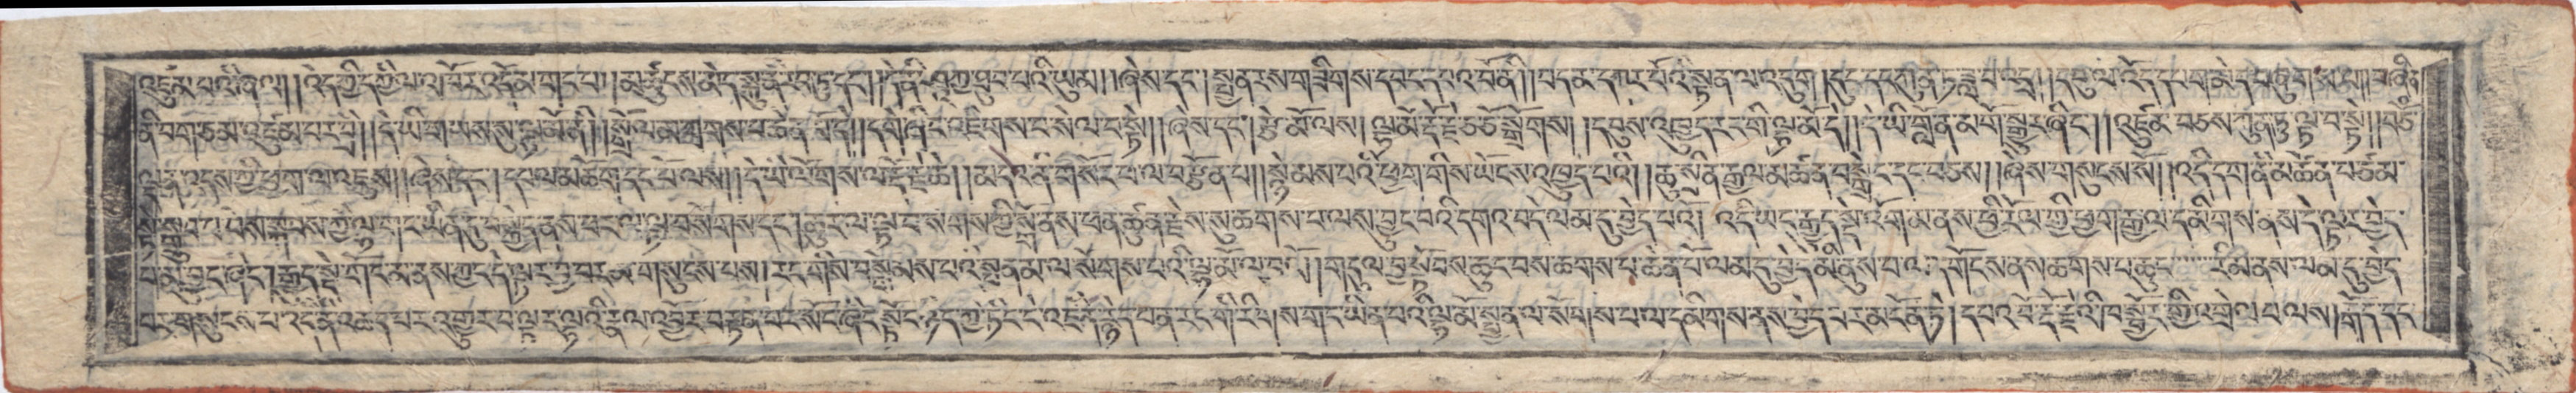འཛུམ་པའི་ཞལ། །འོད་ཀྱི་དཀྱིལ་འཁོར་འདོམ་གང་པ། །མཚུངས་མེད་སྐུ་ནི་རབ་ཏུ་དང་། །དེ་ནི་ཤཱཀྱ་ཐུབ་པའི་ཡུམ། །ཞེས་དང་། སྤྱན་རས་གཟིགས་དབང་དཔའ་བོ་ནི། །པད་མ་དཀར་པོའི་སྟན་ལ་འདུག །དུང་དང་ཀུན་ཏ་ཟླ་བ་འདྲ། །དབུ་ལ་འོད་དཔག་མེད་བཞུགས་པ། །བཞི་
ནི་བག་ཙམ་འཛུམ་པར་བྲི། །དེ་ཡི་གཡས་སུ་ལྷ་མོ་ནི། །སྒྲོལ་མ་གྲགས་པ་ཆེན་མོ་དེ། །དགེ་ཞིང་འཇིགས་པ་སེལ་བ་སྟེ། །ཞེས་དང་། རྩེ་མོ་ལས། ལྷ་མོ་རྡོ་རྗེ་ཅ་ཅོ་སྒྲོགས། །དབུས་འཁྱུད་རང་གི་ལྷ་མོ་དེ། །དེ་ཡི་གློ་ན་མགོ་སྒྱུར་ཞིང་། །འཛུམ་བཅས་ཀུན་ཏུ་ལྟ་བ་སྟེ། །བཅོམ་
ལྡན་འདས་ཀྱི་ཕྱག་ལ་འཇུས། །ཞེས་དང་། དཔལ་མཆོག་དང་པོ་ལས། །དེ་ཡི་ལོགས་ལ་རྡོ་རྗེ་ཆེ། །མདའ་ནི་གསོར་བ་ལ་བརྩོན་པ། །སྙེམས་པའི་ཕྱག་གིས་ཡོངས་འཁྱུད་པའི། །ཆུ་སྲིན་རྒྱལ་མཚན་བསྒྲེང་དང་བཅས། །ཞེས་གསུངས་སོ། །འདི་དག་ནི་མཚེན་པ་ཙམ་
སྟེ་སྒྲུབ་པ་བེས་སྐབས་ཀྱི་ལྷ་གང་ཡིན་དུ་བསྐྱེད་ནས་ཕར་ལ་ལྟ་བ་སོགས་དང་། ཚུར་ལ་ལྟ་བ་སོགས་ཀྱི་སྒོ་ནས་ཕན་ཚུན་རྗེས་སུ་ཆགས་པ་ལས་བྱུང་བའི་དགའ་བདེ་ལམ་དུ་བྱེད་པའོ། །འདི་ཡང་རྒྱུད་སྡེ་འོག་མ་ནས་ཕྱི་རོལ་གྱི་ཕྱག་རྒྱལ་དམིགས་ནས་དེ་ལྟར་བྱེད་
པ་མ་བྱུང་ཞིང་། རྒྱུད་སྡེ་གོང་མ་ནས་ཀྱང་དེ་ལྟར་བྱ་བར་མ་གསུངས་པས། རང་གིས་བསྒོམས་པའི་སྤྱན་མ་ལ་སོགས་པའི་ལྷ་མོ་ལ་བྱའོ། །འདུལ་བྱ་སྟོབས་ཆུང་བས་ཆགས་པ་ཆེན་པོ་ལམ་དུ་བྱེད་མི་ནུས་པ་ལ་དགོངས་ནས་ཆགས་པ་ཆུང་རིམ་ནས་ལམ་དུ་བྱེད་
པར་གསུངས་པ་འདི་ནི་འཆད་པར་འགྱུར་བ་ལྟར་ལྷའི་རྣལ་འབྱོར་བརྟན་པར་སོང་ཞིང་སྟོང་ཉིད་ཀྱི་ཏིང་ངེ་འཛིན་རྙེད་པ་ན་རང་གི་རིགས་གང་ཡིན་པའི་ལྷ་མོ་སྤྱན་ལ་སོགས་པ་ལ་དམིགས་ནས་བྱེད་པར་མངོན་ཏེ། དཔའ་བོ་རྡོ་རྗེའི་ཁ་སྦྱོར་གྱི་འགྲེལ་པ་ལས། རྒོད་དང་